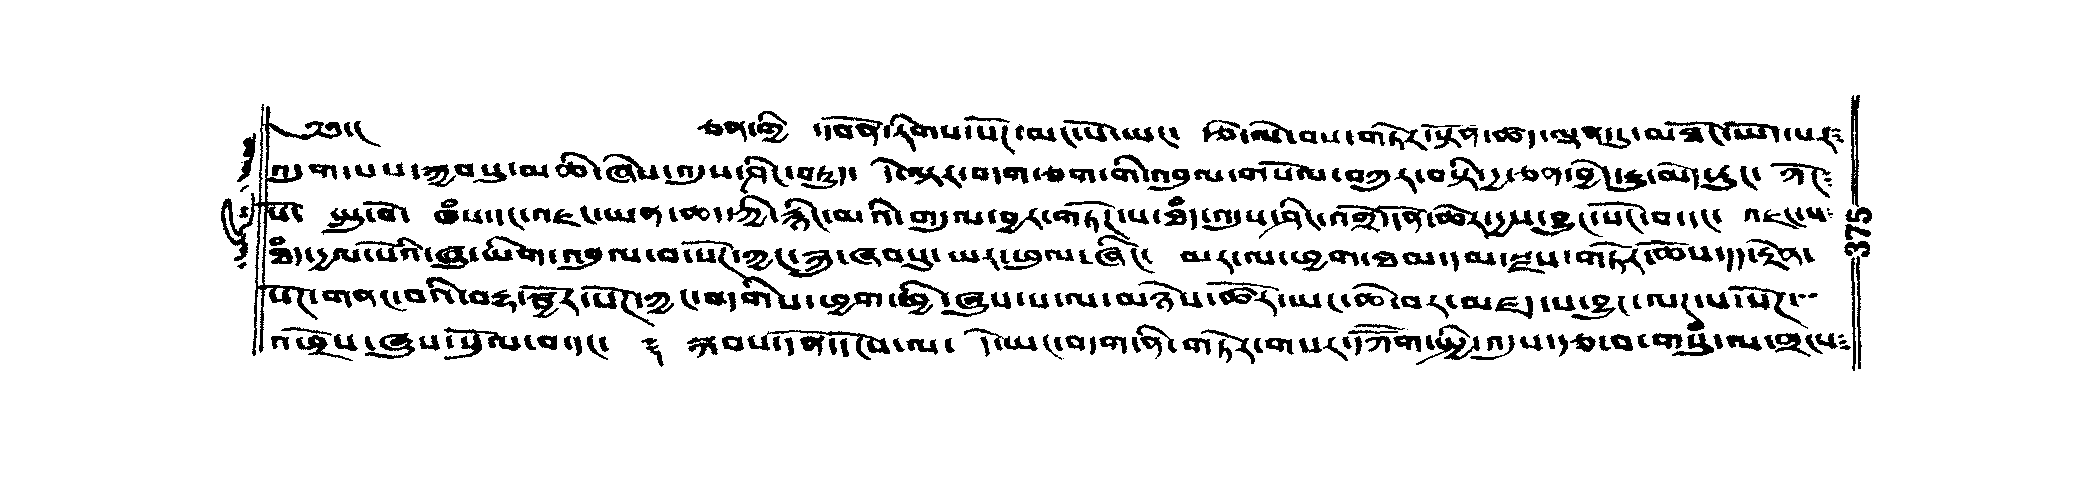ཅན་གྱི། བོན་རིགས་སོགས་མང་པོ་ཡང་རྩེ་ལེ་བས་གཏེར་སྟོན་ཚད་ལྡན་དུ་་མཐོང་ཡོད་པར་
འདུག་པས་སྐྱབས་སུ་མཆི་ཞེས་འདུས་ཤིང་བཏུད།དེ་ལྟར་བདག་ཅག་གི་འབུལ་གསོལ་བཀུར་བསྟི་རྒྱ་ཅན་བྱེད་རྒྱུ་མེད་རུང་། ཀོང་
པོ། སྤུ་བོ། ཁམས་དང་འཇང་ཡན་ཆད་ཀྱི་རྙིང་མའི་གདུལ་བྱ་གཏོགས་པ་ཐམས་ཅད་འདུས་ཤིང་འགྲོ་དོན་ཆེར་རྒྱས་བྱུང་སོང་བ་དང་། འཇང་
ས་ཐམས་ཅད་རྒྱལ་པོའི་ཞུ་ཡིག་འབུལ་བ་སོགས་ཀྱང་སྐུ་ཞབས་སུ་ཡར་ཕུལ་ཞིང་། མར་ལ་ཕྱག་ཐམ་དམ་རྫས་གཏེར་ཆོས་དད་རྟེན་
སོགས་གནང་བའི་བརྡ་སྦྱོར་སོགས་ཀྱང་བདག་གིས་ཕྱག་ཕྱི་ཞུས་པ་ལ་མཉེས་ཚོར་ཡང་ཆེ་བར་མཛད་པ་བྱུང་ལགས་པ་སོགས་
འཕྲོས་ཞུས་སུ་གསོལ་བ་དང་། ༈ སྐབས་དོན་དངོས་ལ། དེ་ཡང་བདག་ནི་གཏེར་གསར་དཀོན་མཆོག་སྤྱི་འདུས་རྩ་བ་གསུམ་ལ་གྲངས་